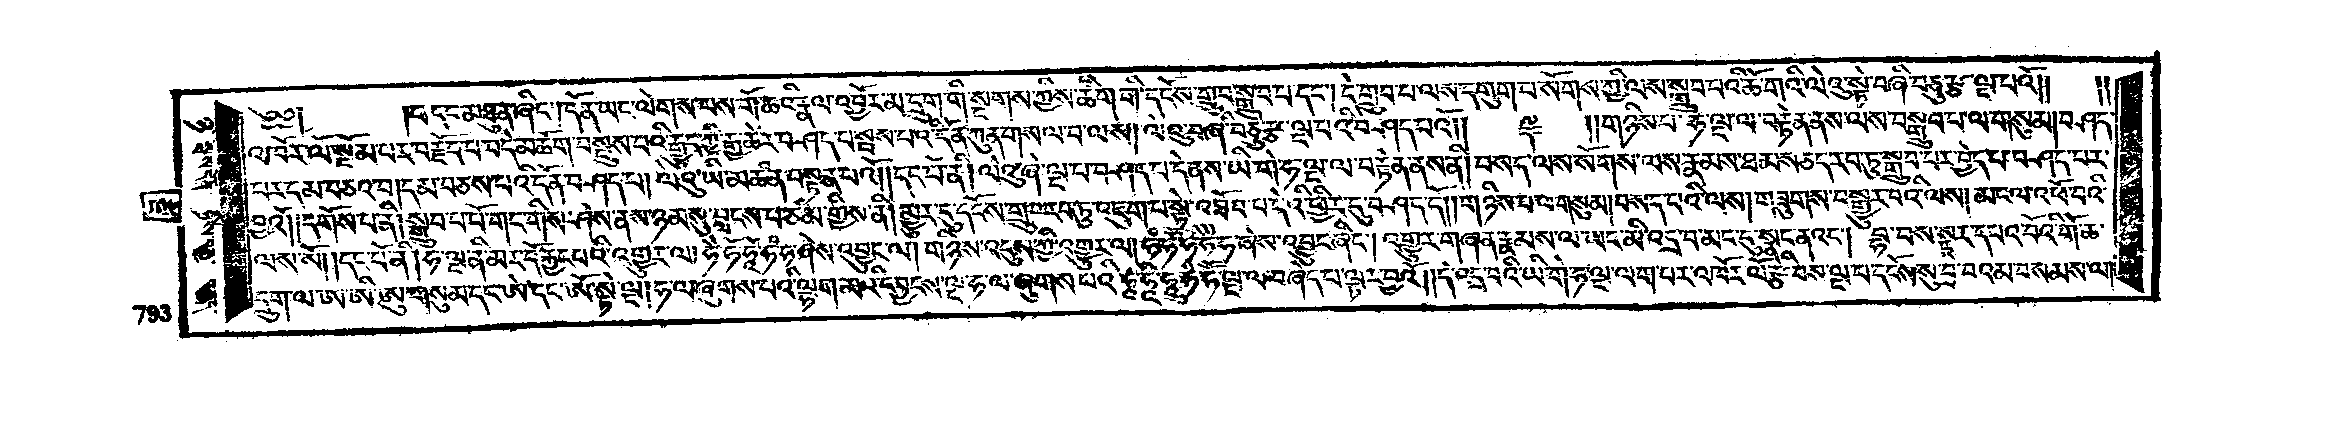༄༅། །པ་དང་མཐུན་ཞིང་། དོན་ཡང་ལེགས་པས་གོ་ཆའི་རྣལ་འབྱོར་མ་དྲུག་གི་སྔགས་ཀྱིས་ཚིག་གི་དངོས་གྲུབ་སྒྲུབ་པ་དང་། དེ་གྲུབ་པ་ལས་དགུག་པ་སོགས་ཀྱི་ལས་སྒྲུབ་པའི་ཆོ་གའི་ལེའུ་སྟེ་བཞི་བཅུ་རྩ་ལྔ་པའོ།། །།
འཁོར་ལོ་སྡོམ་པར་བརྗོད་པ་བདེ་མཆོག་བསྡུས་པའི་རྒྱུད་ཀྱི་རྒྱ་ཆེར་བཤད་པ་སྦས་པའི་དོན་ཀུན་གསལ་བ་ལས། ལེའུ་བཞི་བཅུ་རྩ་ལྔ་པའི་བཤད་པའོ།། ༈ །།གཉིས་པ་ཧ་ལྔ་ལ་བརྟེན་ནས་ལས་བསྒྲུབ་པ་ལ་གསུམ། བཤད་
པར་དམ་བཅའ་བ། དམ་བཅས་པའི་དོན་བཤད་པ། ལེའུ་ཡི་མཚན་བསྟན་པའོ། །དང་པོ་ནི། ལེའུ་ཞེ་ལྔ་པ་བཤད་པ་དེ་ནས་ཡི་གེ་ཧ་ལྔ་ལ་བརྟེན་ནས་ནི། བསད་ལས་སོགས་ལས་རྣམས་ཐམས་ཅད་རབ་ཏུ་སྒྲུབ་པར་བྱེད་པ་བཤད་པར་
བྱའོ། །དགོས་པ་ནི། སྒྲུབ་པ་པོ་གང་གིས་ཤེས་ནས་ཉམས་སུ་བླངས་པ་ཙམ་གྱིས་ནི། མྱུར་དུ་དངོས་གྲུབ་རབ་ཏུ་འཇུག་པ་སྟེ་འཐོབ་པ་དེའི་ཕྱིར་དུ་བཤད་དོ། །གཉིས་པ་ལ་གསུམ། བསད་པའི་ལས། གཟུགས་བསྒྱུར་བའི་ལས། མངལ་འཕོ་བའི་
ལས་སོ། །དང་པོ་ནི། ཧ་ལྔ་ནི་མར་དོ་རྐྱང་པའི་འགྱུར་ལ། ཧཻ་ཧོ་ཧO་ཧཾ་ཧ་ཞེས་འབྱུང་ལ། གཉིས་འདུས་ཀྱི་འགྱུར་ལ། ཧཾ་ཧཽ་ཧི་ཧཻ་ཧ་ཞེས་འབྱུང་ཞིང་། འགྱུར་གཞན་རྣམས་ལ་ཡང་མི་འདྲ་བ་མང་དུ་སྣང་ནའང་། བྷ་བས་སྔར་དཔའ་བོའི་གོ་ཆ་
དྲུག་ལ་ཨ་ཨི་ཨུ་གསུམ་དང་ཨེ་དང་ཨོ་སྟེ་ལྔ། ཧ་ལ་ཞུགས་པའི་ལྷག་མའི་དབྱངས་ལྔ་ཧ་ལ་ཞུགས་པའི་ཧཱ་ཧཱི་ཧཱུ་ཧཻ་ཧཽ་ལྔ་ལ་བཞེད་པ་ལྟར་བྱའོ། །དེ་འདྲ་བའི་ཡི་གེ་ཧ་ལྔ་ལག་པར་འཁོར་ལོ་རྩིབས་ལྔ་པ་དངོས་སུ་བྲ་བའམ་བསམས་ལ།